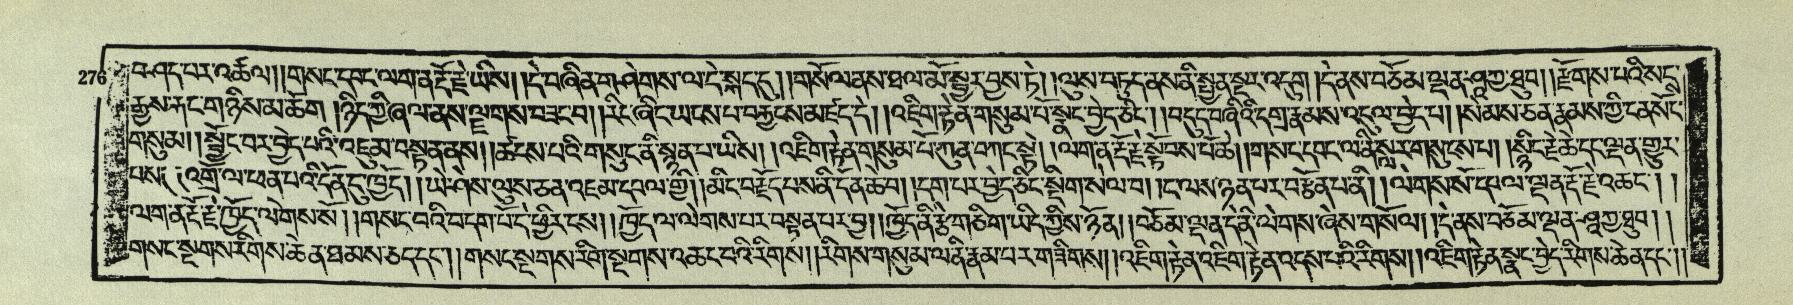བཤད་པར་འཚལ། །གསང་དབང་ལག་ན་རྡོ་རྗེ་ཡིས། །དེ་བཞིན་གཤེགས་ལ་དེ་སྐད་དུ། །གསོལ་ནས་ཐལ་མོ་སྦྱར་བྱས་ཏེ། །ལུས་བཏུད་ནས་ནི་སྤྱན་སྔར་འདུག །དེ་ནས་བཅོམ་ལྡན་ཤཱཀྱ་ཐུབ། །རྫོགས་པའི་སངས་
རྒྱས་རྐང་གཉིས་མ་ཆོག །ཉིད་ཀྱི་ཞལ་ནས་ལྗགས་བཟང་བ། །རིང་ཞིང་ཡངས་པ་བརྐྱངས་མཛད་དེ། །འཇིག་རྟེན་གསུམ་པོ་སྣང་བྱེད་ཅིང་། །བདུད་བཞིའི་དགྲ་རྣམས་འདུལ་བྱེད་པ། །སེམས་ཅན་རྣམས་ཀྱི་ངན་སོང་
གསུམ། །སྦྱོང་བར་བྱེད་པའི་འཇུམ་བསྟན་ནས། །ཚངས་པའི་གསུང་ནི་སྙན་པ་ཡིས། །འཇིག་རྟེན་གསུམ་པོ་ཀུན་བཀང་སྟེ། །ལག་ན་རྡོ་རྗེ་སྟོབས་པོ་ཆེ། །གསང་དབང་ལ་ནི་སླར་གསུངས་པ། །སྙིང་རྗེ་ཆེ་དང་ལྡན་གྱུར་
པས༑ ༑འགྲོ་ལ་ཕན་པའི་དོན་དུ་ཁྱོད། །ཡེ་ཤེས་ལུས་ཅན་འཇམ་དཔལ་གྱི། །མིང་བརྗོད་པས་ནི་དོན་ཆེ་བ། །དག་པར་བྱེད་ཅིང་སྡིག་སེལ་བ། །ང་ལས་ཉན་པར་བརྩོན་པ་ནི། །ལེགས་སོ་དཔལ་ལྡན་རྡོ་རྗེ་འཆང་། །
ལག་ན་རྡོ་རྗེ་ཁྱོད་ལེགས་སོ། །གསང་བའི་བདག་པོ་དེ་ཕྱིར་ངས། །ཁྱོད་ལ་ལེགས་པར་བསྟན་པར་བྱ། །ཁྱོད་ནི་རྩེ་གཅིག་ཡིད་ཀྱིས་ཉོན། །བཅོམ་ལྡན་དེ་ནི་ལེགས་ཞེས་གསོལ། །དེ་ནས་བཅོམ་ལྡན་ཤཱཀྱ་ཐུབ། །
གསང་སྔགས་རིགས་ཆེན་ཐམས་ཅད་དང་། །གསང་སྔགས་རིག་སྔགས་འཆང་བའི་རིགས། །རིགས་གསུམ་ལ་ནི་རྣམ་པར་གཟིགས། །འཇིག་རྟེན་འཇིག་རྟེན་འདས་པའི་རིགས། །འཇིག་རྟེན་སྣང་བྱེད་རིགས་ཆེན་དང་། །